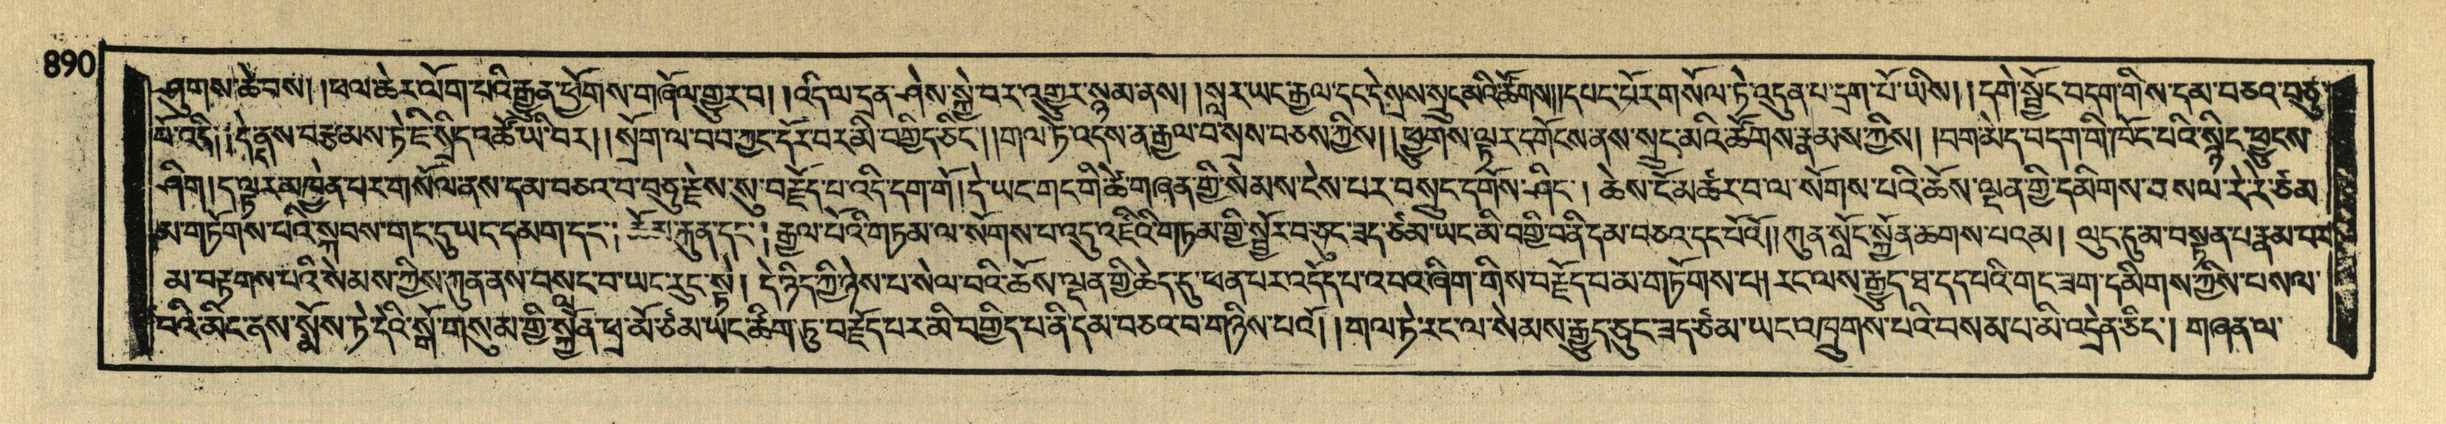ཤུགས་ཚེ་བས། །ཕལ་ཆེར་ལོག་པའི་རྒྱུན་ཕྱོགས་གཞོལ་གྱུར་བ། །འདི་ལ་དྲན་ཤེས་སྐྱེ་བར་འགྱུར་སྙམ་ནས། །སླར་ཡང་རྒྱལ་དང་དེ་སྲས་སྲུང་མའི་ཚོགས། །དཔང་པོར་གསོལ་ཏེ་འདུན་པ་དྲག་པོ་ཡིས། །དགེ་སྦྱོང་བདག་གིས་དམ་བཅའ་བཅུ་
པོ་འདི༑ ༑དེ་ནས་བརྩམས་ཏེ་ཇི་སྲིད་འཚོ་ཡི་བར། །སྲོག་ལ་བབ་ཀྱང་དོར་བར་མི་བགྱིད་ཅིང་། །གལ་ཏེ་འདས་ན་རྒྱལ་བ་སྲས་བཅས་ཀྱིས། །ཕྱུགས་ལྟར་དགོངས་ནས་སྲུང་མའི་ཚོགས་རྣམས་ཀྱིས། །བག་མེད་བདག་གི་ཁོང་པའི་སྙིང་ཕྱུངས་
ཤིག། ད་ལྟར་མཁྱེན་པར་གསོལ་ནས་དམ་བཅའ་བ་བཅུ་རྗེས་སུ་བརྗོད་པ་འདི་དག་གོ། དེ་ཡང་གང་གི་ཚེ་གཞན་གྱི་སེམས་ངེས་པར་བསྲུང་དགོས་ཤིང་། ཆེས་ངོ་མཚར་བ་ལ་སོགས་པའི་ཆོས་ལྡན་གྱི་དམིགས་བསལ་རེ་རེ་ཙམ་
མ་གཏོགས་པའི་སྐབས་གང་དུ་ཡང་དམག་དང་། ཆོམ་རྐུན་དང་། རྒྱལ་པོའི་གཏམ་ལ་སོགས་པ་འདུ་འཛིའི་གཏམ་གྱི་སྦྱོར་བ་ཅུང་ཟད་ཙམ་ཡང་མི་བགྱི་བ་ནི་དམ་བཅའ་དང་པོའོ། །ཀུན་སློང་སྐྱོན་ཆགས་པའམ། ལུང་དུ་མ་བསྟན་པ་རྣམ་པར་
མ་བརྟགས་པའི་སེམས་ཀྱིས་ཀུན་ནས་བསླང་བ་ཡང་རུང་སྟེ། དེ་ཉིད་ཀྱི་ཉེས་པ་སེལ་བའི་ཆོས་ལྡན་གྱི་ཆེད་དུ་ཕན་པར་འདོད་པ་འབའ་ཞིག་གིས་བརྗོད་བ་མ་གཏོགས་པ། རང་ལས་རྒྱུད་ཐ་དད་པའི་གང་ཟག་དམིགས་ཀྱིས་བསལ་
བའི་མིང་ནས་སྨོས་ཏེ་དེའི་སྒོ་གསུམ་གྱི་སྐྱོན་ཕྲ་མོ་ཙམ་ཡང་ཚིག་ཏུ་བརྗོད་པར་མི་བགྱིད་པ་ནི་དམ་བཅའ་བ་གཉིས་པའོ། །གལ་ཏེ་རང་ལ་སེམས་རྒྱུད་ཅུང་ཟད་ཙམ་ཡང་འཁྲུགས་པའི་བསམ་པ་མི་འདྲེན་ཅིང་། གཞན་ལ་